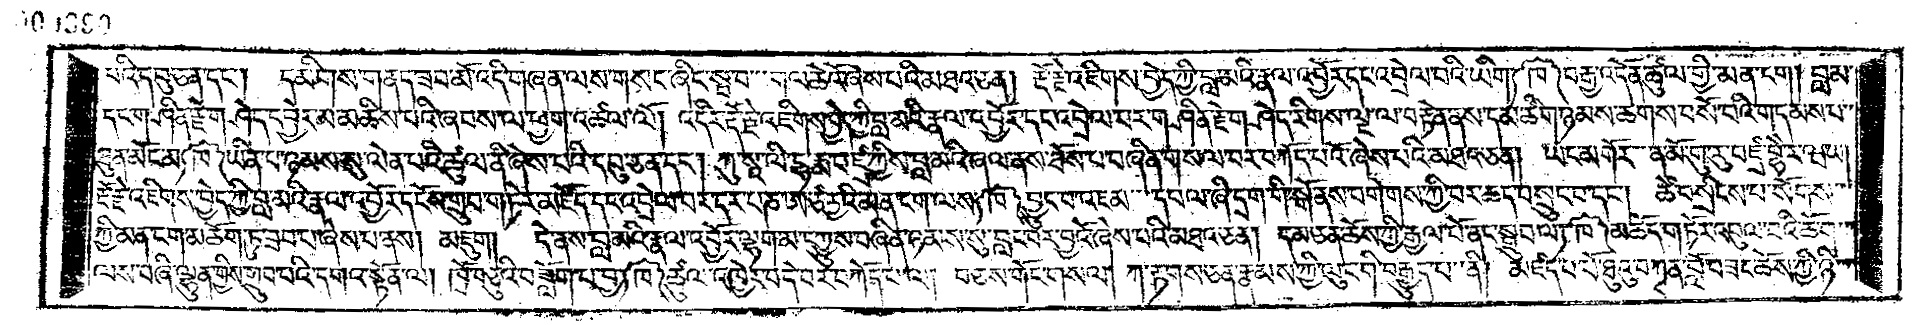པའི་དབུ་ཅན་དང་། དམིགས་གནད་ཟབ་མོ་འདི་གཞན་ལས་གསང་ཞིང་སྦ་བ་གལ་ཆེའོ་ཞེས་པའི་མཐའ་ཅན། རྡོ་རྗེ་འཇིགས་བྱེད་ཀྱི་བླ་མའི་རྣལ་འབྱོར་དང་འབྲེལ་བའི་ཡིག ༼ཁ༽ བརྒྱ་འདོན་ཚུལ་གྱི་མན་ངག། བླ་མ་
དང་གཤིན་རྗེ་གཤེད་དབྱེར་མ་མཆིས་པའི་ཞབས་ལ་ཕྱག་འཚལ་ལོ། འདིར་རྡོ་རྗེ་འཇིགས་བྱེད་ཀྱི་བླ་མའི་རྣལ་འབྱོར་དང་འབྲེལ་བར་གཤིན་རྗེ་གཤེད་རིགས་ལྔ་ལ་བརྟེན་ནས་དམ་ཚིག་ཉམས་ཆགས་བསོ་བའི་གདམས་པ་
ཐུན་མོང་མ ༼ཁ༽ ཡིན་པ་ཉམས་སུ་ལེན་པའི་ཚུལ་ནི་ཞེས་པའི་དབུ་ཅན་དང་། ཀུ་སཱ་ལི་དྷརྨ་བཛྲ་ཀྱིས་བླ་མའི་ཞལ་ནས་ཐོས་པ་བཞིན་གསལ་བར་བཀོད་པའོ་ཞེས་པའི་མཐའ་ཅན། ཡང་མགོར་ན་མོ་གུ་རུ་བཛྲ་བྷཻ་ར་ཝ་ཡ།
རྡོ་རྗེ་འཇིགས་བྱེད་ཀྱི་བླ་མའི་རྣལ་འབྱོར་དངོས་གྲུབ་གཏེར་མཛོད་དང་འབྲེལ་བར་དར་པཎ་ཨ་ཙརྱའི་མན་ངག་ལས ༼ཁ༽ བྱུང་བ་འཇམ་དཔལ་ཞི་དྲག་གི་སྒོ་ནས་བགེགས་ཀྱི་བར་ཆད་བསྲུང་བ་དང་། ཚེ་བསྲིངས་པ་སོགས་
ཀྱི་མན་ངག་མཆོག་ཏུ་ཟབ་པ་ཞེས་པ་ནས། མཇུག། དེ་ནས་བླ་མའི་རྣལ་འབྱོར་ལྷག་མ་དཀྱུས་བཞིན་ཉམས་སུ་བླང་བར་བྱའོ་ཞེས་པའི་མཐའ་ཅན། དམ་ཅན་ཆོས་ཀྱི་རྒྱལ་པོ་ནང་སྒྲུབ་ལ ༼ཁ༽ མཆོད་གཏོར་འབུལ་བའི་ཆོ་ག་
ལས་བཞི་ལྷུན་གྱིས་གྲུབ་པའི་དགའ་སྟོན་ལ། ཁྲོ་བཅུའི་བཟློག་པ་བྱ ༼ཁ༽ ཚུལ་འཁྱེར་བདེ་བར་བཀོད་པ་ལ། བཅས་གོང་གསལ། ཀ་རྟགས་ཅན་རྣམས་ཀྱི་ལུང་གི་བརྒྱུད་པ་ནི། མཛད་པ་པོ་ཐུའུ་བཀྭན་བློ་བཟང་ཆོས་ཀྱི་ཉི་